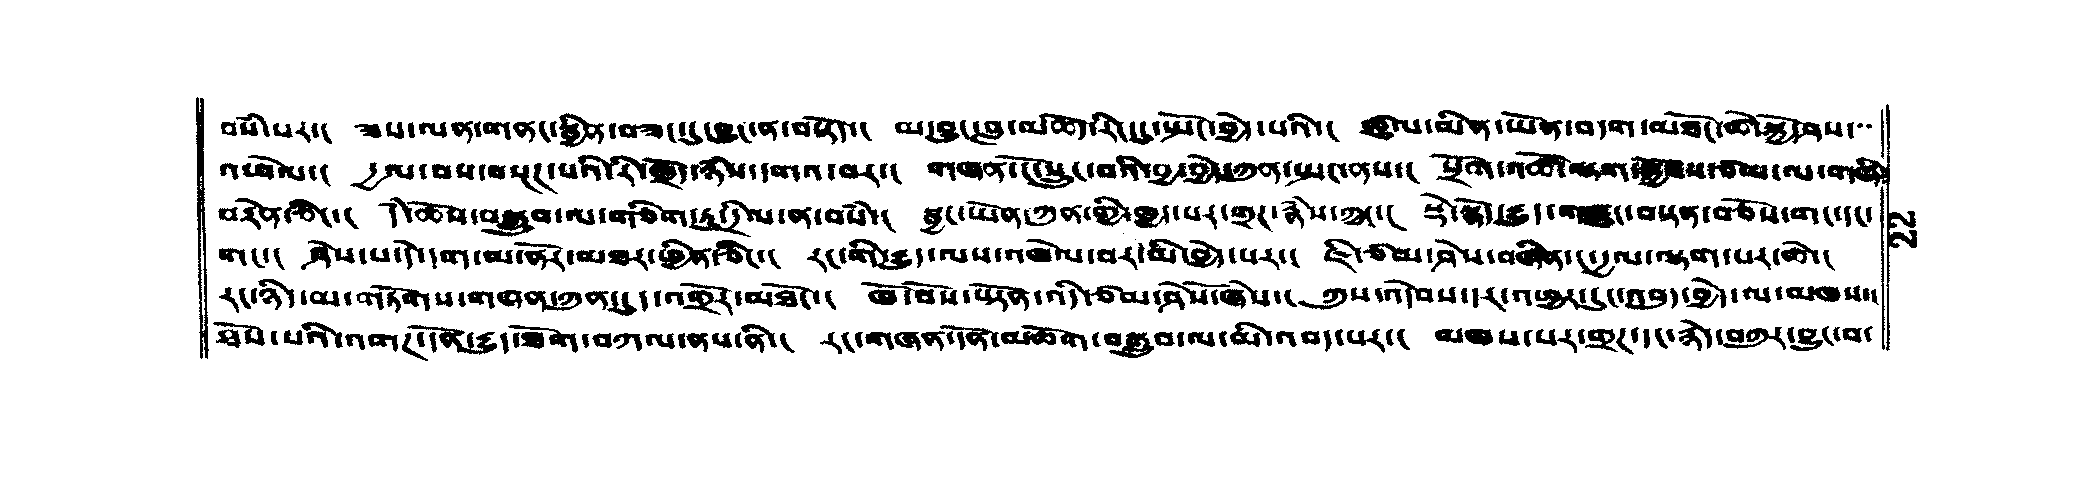བསམ་པར། །ཟས་ལན་གནང་སྦྱིན་བཟང་དུ་བྱུང་ན་བསྟོད། །མ་བྱུང་བླ་མཆོད་རིང་དུ་སྤོང་བྱེད་པའི། །ཚུལ་མིན་ཡོན་བདག་མཐོང་ཚེ་སྐྱོ་ཤས་
འཕེལ། །རྒྱལ་བས་བསྔགས་པའི་རི་ཁྲོད་ཉམས་དགའ་བར། །གཞན་ངོ་སྲུང་བའི་བྱ་བྱེད་ཀུན་སྤང་ནས། །སྲོག་འཚོ་ལྷག་སྐྱོབས་ཙམ་ལ་གཞི་
བྱེད་ཅིང་། །དམ་ཆོས་བསྒྲུབ་ལ་གཅིག་ཏུ་དྲིལ་ན་བསམ། །སྦྱང་ཡོན་ཀུན་གྱི་ཁྱད་པར་གྲགས་རྣམས་ཀྱང་། །སྡེ་སྣོད་རྒྱུད་གཞུང་བསྟན་བཅོས་གང་དང་
གང་། །ཤེས་པ་དེ་དག་མ་ནོར་མཐར་ཕྱིན་ཅིང་། །རང་གི་རྒྱུད་ལས་འཁེལ་བར་མི་བྱེད་པར། །ཇི་ཙམ་ཤེས་བཞིན་ང་རྒྱལ་ལྷག་པར་ཆེ། །
རང་ཉིད་མ་གཏོགས་གཞན་ཀུན་དུད་འགྲོར་མཐོང་། །ཁོ་བོས་ཡོན་ཏན་འདི་ཙམ་ཤེས་སོ་ཞེས། །ཀུས་འདེབས་དར་འཕྱར་དུང་འབུད་བྱེད་ལ་མཁས། །
ཐོས་པས་འགག་དོན་རྒྱུད་ཐོག་བཀལ་ནས་ནི། །རང་གཞན་དོན་མཆོག་བསྒྲུབ་ལ་མི་འབད་པར། །མཁས་པར་གྲགས་དང་རྙེད་བཀུར་བྱུང་བ་